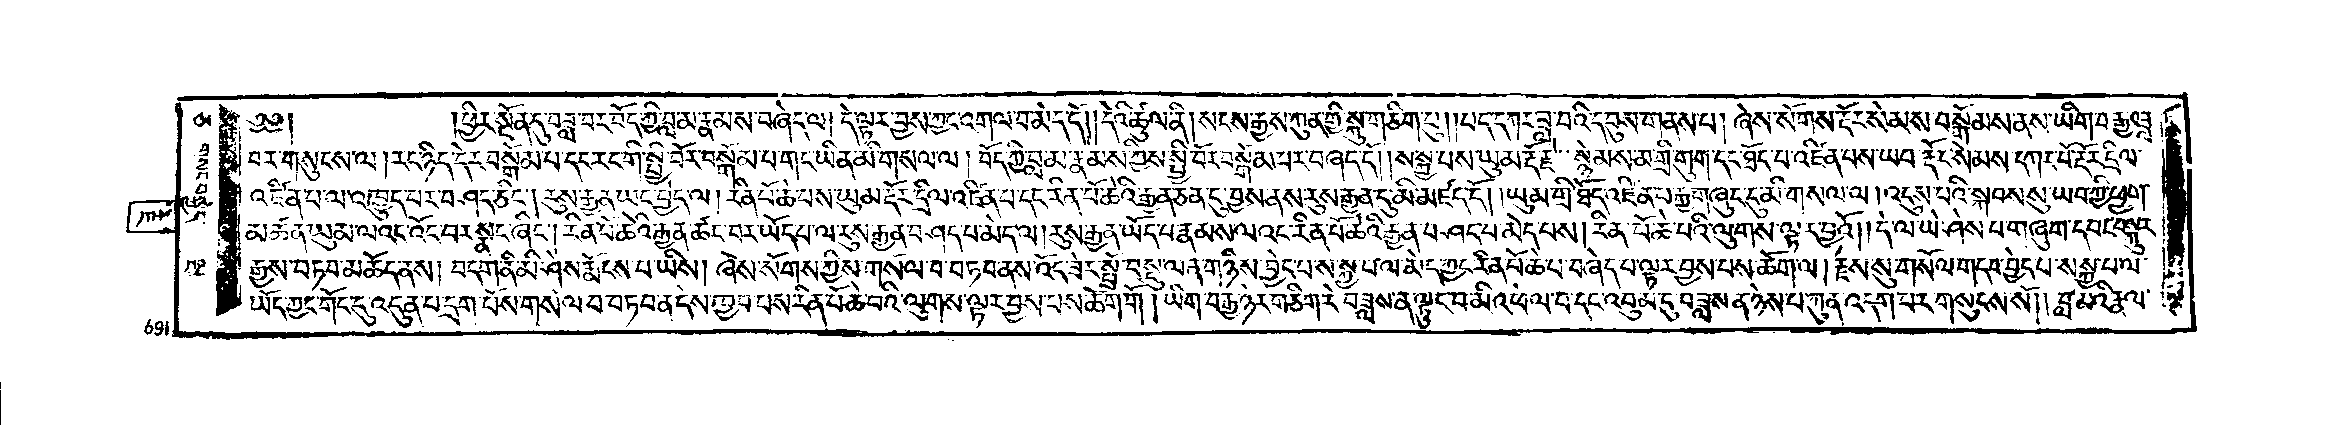༄༅། །ཕྱིར་སྔོན་དུ་བཟླ་བར་བོད་ཀྱི་བླ་མ་རྣམས་བཞེད་ལ། དེ་ལྟར་བྱས་ཀྱང་འགལ་བ་མེད་དོ། །དེའི་ཚུལ་ནི། སངས་རྒྱས་ཀུན་གྱི་སྐུ་གཅིག་པུ། །པད་དཀར་ཟླ་བའི་དབུས་གནས་པ། ཞེས་སོགས་རྡོར་སེམས་བསྒོམས་ནས་ཡིག་བརྒྱ་བཟླ་
བར་གསུངས་ལ། རང་ཉིད་དེར་བསྒོམ་པ་དང་རང་གི་སྤྱི་བོར་བསྒོམ་པ་གང་ཡིན་མི་གསལ་ལ། བོད་ཀྱི་བླ་མ་རྣམས་ཀྱིས་སྤྱི་བོར་བསྒོམ་པར་བཞད་དོ། །ས་སྐྱ་པས་ཡུམ་རྡོ་རྗེ་སྙམས་མ་གྲི་གུག་དང་ཐོད་པ་འཛིན་པས་ཡབ་རྡོར་སེམས་དཀར་པོ་རྡོར་དྲིལ་
འཛིན་པ་ལ་འཁྱུད་པར་བཤད་ཅིང་། རུས་རྒྱན་ཡང་བྱེད་ལ། རིན་པོ་ཆེ་པས་ཡུམ་རྡོར་དྲིལ་འཛིན་པ་དང་རིན་པོ་ཆེའི་རྒྱན་ཅན་དུ་བྱས་ནས་རུས་རྒྱན་དུ་མི་མཛད་དོ། །ཡུམ་གྲི་ཐོད་འཛིན་པ་རྒྱ་གཞུང་དུ་མི་གསལ་ལ། འདུས་པའི་སྐབས་སུ་ཡབ་ཀྱི་ཕྱག་
མཚན་ཡུམ་ལའང་འོང་བར་སྣང་ཞིང་། རིན་པོ་ཆེའི་རྒྱན་ཚང་བར་ཡོད་པ་ལ་རུས་རྒྱན་བཤད་པ་མེད་ལ། རུས་རྒྱན་ཡོད་པ་རྣམས་ལའང་རིན་པོ་ཆེའི་རྒྱན་བཤད་པ་མེད་པས། རིན་པོ་ཆེ་པའི་ལུགས་ལྟར་བྱའོ། །དེ་ལ་ཡེ་ཤེས་པ་གཞུག་དབང་བསྐུར་
རྒྱས་བཏབ་མཆོད་ནས། བདག་ནི་མི་ཤེས་རྨོངས་པ་ཡིས། ཞེས་སོགས་ཀྱིས་གསོལ་བ་བཏབ་ནས་འོད་ཟེར་སྤྲོ་བསྡུ་ལན་གཉིས་བྱེད་པ་ས་སྐྱ་པ་ལ་མེད་ཀྱང་རིན་པོ་ཆེ་པ་བཞེད་པ་ལྟར་བྱས་པས་ཆོག་ལ། རྗེས་སུ་གསོལ་གདབ་བྱེད་པས་སྐྱ་པ་ལ་
ཡོད་ཀྱང་གོང་དུ་འདུན་པ་དྲག་པོས་གསོལ་བ་བཏབ་ན་དེས་ཁྱབ་པས་རིན་པོ་ཆེ་པའི་ལུགས་ལྟར་བྱས་པས་ཆོག་གོ །ཡིག་བརྒྱ་ཉེར་གཅིག་རེ་བཟླས་ན་ལྟུང་བ་མི་འཕེལ་བ་དང་འབུམ་དུ་བཟླས་ན་ཉེས་པ་ཀུན་འདག་པར་གསུངས་སོ། །བླ་མའི་རྣལ་